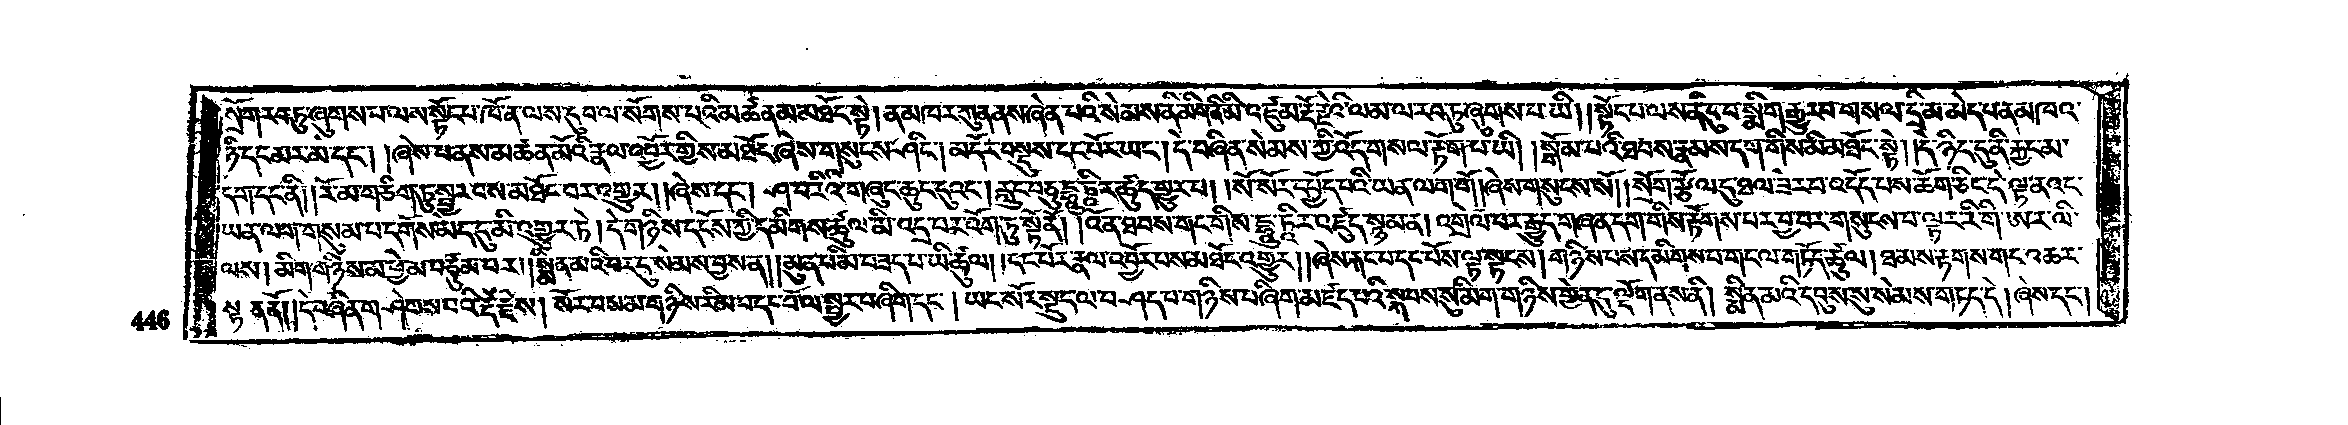སྲོག་རབ་ཏུ་ཞུགས་པ་ལས་སྟོང་པ་ཁོ་ན་ལས་དུ་བ་ལ་སོགས་པའི་མཚན་མ་མཐོང་སྟེ། ནམ་མཁར་ཀུན་ནས་ཞེན་པའི་སེམས་ནི་མིག་ནི་མི་འཛུམ་རྡོ་རྗེའི་ལམ་ལ་རབ་ཏུ་ཞུགས་པ་ཡི། །སྟོང་པ་ལས་ནི་དུ་བ་སྨིག་རྒྱུ་རབ་གསལ་དྲི་མ་མེད་པ་ནམ་མཁའ་
ཉི་དང་མར་མེ་དང་། །ཞེས་པ་ནས་མཚན་མོའི་རྣལ་འབྱོར་གྱིས་མཐོང་ཞེས་གསུངས་ཤིང་། མདོར་བསྡུས་དང་པོར་ཡང་། དེ་བཞིན་སེམས་ཀྱི་འོད་གསལ་རྟོག་པ་ཡི། །སྒོམ་པའི་ཐབས་རྣམས་དག་གིས་མི་མཐོང་སྟེ། །དེ་ཉིད་དུ་ནི་རྐྱང་མ་
དག་དང་ནི། །རོ་མ་གཅིག་ཏུ་སྦྱར་བས་མཐོང་བར་འགྱུར། །ཞེས་དང་། ཤ་བ་རིའི་གཞུང་ཆུང་དུའང་། རླུང་བཅུ་དྷཱུ་ཏཱིར་ཚུད་གྱུར་པ། །སོ་སོར་དཔྱོད་པའི་ཡན་ལག་གོ །ཞེས་གསུངས་སོ། །སྲོག་རྩོལ་དུ་ཐལ་ཟེར་བ་འདོད་པས་ཆོག་ཅིང་དེ་ལྟ་ནའང་
ཡན་ལག་གསུམ་པ་དགོས་མེད་དུ་མི་འགྱུར་ཏེ། དེ་གཉིས་དངོས་ཀྱི་དམིགས་ཚུལ་མི་འདྲ་བར་འོག་ཏུ་སྟོན་ནོ། །འོ་ན་ཐབས་གང་གིས་དྷཱུ་ཏཱིར་འཛུད་སྙམ་ན། འགྲེལ་པར་རྒྱུད་གཞན་དག་གིས་རྟོགས་པར་བྱ་བར་གསུངས་པ་ལྟར་རི་གི་ཨ་ར་ལི་
ལས། མིག་གཉིས་མ་ཕྱེ་མ་བཙུམ་པར། །སྨིན་མའི་བར་དུ་སེམས་བྱས་ན། །མུན་པ་མི་བཟད་པ་ཡི་ཚུལ། །དང་པོར་རྣལ་འབྱོར་པས་མཐོང་འགྱུར། །ཞེས་རྐང་པ་དང་པོས་ལྟ་སྟངས། གཉིས་པས་དམིགས་པ་གང་ལ་གཏོད་ཚུལ། ཐ་མས་རྟགས་གང་འཆར་
སྟོན་ནོ། །དེ་བཞིན་གཤེགས་པའི་རྡོ་རྗེས། སོར་བསམ་གཉིས་རིམ་པ་དང་པོ་ལ་སྦྱར་བ་ཞིག་དང་། ཡང་སོར་སྡུད་ལ་བཤད་པ་གཉིས་པ་ཞིག་མཛད་པའི་སྐབས་སུ་མིག་གཉིས་གྱེན་དུ་ལྡོག་ནས་ནི། སྨིན་མའི་དབུས་སུ་སེམས་གཏད་དེ། ཞེས་དང་།